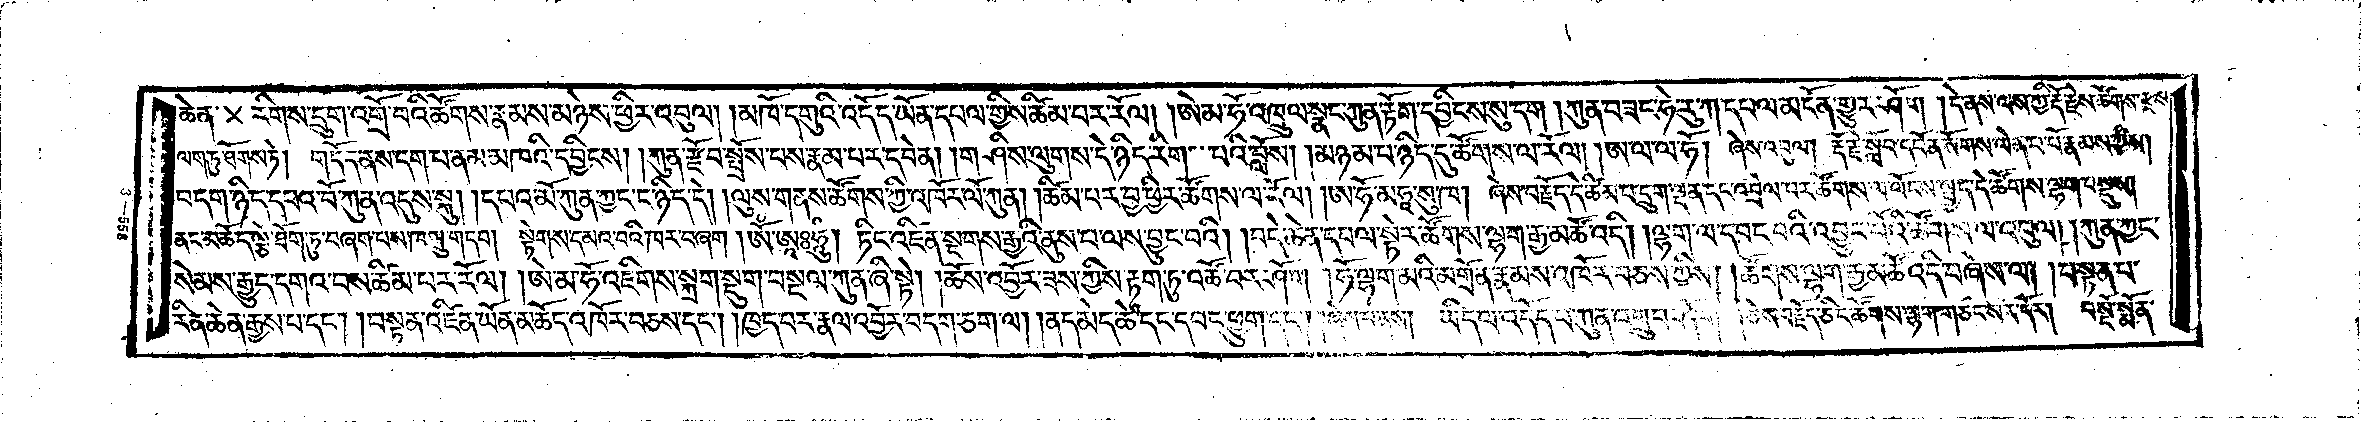ཆེན་྾་རིགས་དྲུག་འགྲོ་བའི་ཚོགས་རྣམས་མཉེས་ཕྱིར་འབུལ། །མཁོ་དགུའི་འདོད་ཡོན་དཔལ་གྱིས་ཚིམ་པར་རོལ། །ཨེ་མ་ཧོ་འཁྲུལ་སྣང་ཀུན་རྟོག་དབྱིངས་སུ་དག །ཀུན་བཟང་ཧེ་རུ་ཀ་དཔལ་མངོན་གྱུར་ཤོག །དེ་ནས་ལས་ཀྱི་རྡོ་རྗེས་ཚོགས་ནས་
ལག་ཏུ་ཐོགས་ཏེ། གདོད་ནས་དག་པ་ནམ་མཁའི་དབྱིངས། །ཀུན་རྫོབ་སྤྲོས་པས་རྣམ་པར་དབེན། །གཤིས་ལུགས་དེ་ཉིད་རིག་པའི་བློས། །མཉམ་པ་ཉིད་དུ་ཚོགས་ལ་རོལ། །ཨ་ལ་ལ་ཧོ། ཞེས་འབུལ། རྡོ་རྗེ་སློབ་དཔོན་སོགས་ལེན་པ་པོ་རྣམས་ཀྱིས།
བདག་ཉིད་དཔའ་བོ་ཀུན་འདུས་སྐུ། །དཔའ་མོ་ཀུན་ཀྱང་ང་ཉིད་དེ། །ལུས་གནས་ཚོགས་ཀྱི་འཁོར་ལོ་ཀུན། །ཚིམ་པར་བྱ་ཕྱིར་ཚོགས་ལ་ངོ་ལ། །ཨ་ཧོ་མཧཱ་སུ་ཁ། ཞེས་བརྗོད་དེ་ཚིམས་དྲུག་ལྡན་དང་འབྲེལ་པར་ཚོགས་ལ་ཡོངས་སྤྱོད་དེ་ཚོགས་ལྷག་བསྡུས།
ནང་མཆོད་ལྕེ་ཐོག་ཏུ་བཞག་པས་ཁ་སྤུ་གདབ། སྟེགས་དམའ་བའི་ཁར་བཞག །ཨོཾ་ཨཱཿཧཱུཾ། ཏིང་འཛིན་སྔགས་རྒྱའི་ནུས་པ་ལས་བྱུང་བའི། །བདེ་ཆེན་དཔལ་སྟེར་ཚོགས་ལྷག་རྒྱ་མཚོ་འདི། །ལྷག་ལ་དབང་བའི་འབྱུང་པོའི་ཚོགས་ལ་འབུལ། །ཀུན་ཀྱང་
སེམས་རྒྱུད་དགའ་བས་ཚིམ་པར་རོལ། །ཨེ་མ་ཧོ་འཇིགས་སྐྲག་སྡུག་བསྔལ་ཀུན་ཞི་སྟེ། །ཆོས་འབྱོར་ཟས་ཀྱིས་རྟག་ཏུ་འཚོ་བར་ཤོག །ཧོ་ལྷག་མའི་མགྲོན་རྣམས་འཁོར་བཅས་ཀྱིས། །ཚོགས་ལྷག་རྒྱ་མཚོ་འདི་བཞེས་ལ། །བསྟན་པ་
རིན་ཆེན་རྒྱས་པ་དང་། །བསྟན་འཛིན་ཡོན་མཆོད་འཁོར་བཅས་དང་། །ཁྱད་པར་རྣལ་འབྱོར་བདག་ཅག་ལ། །ནད་མེད་ཚེ་དང་དབང་ཕྱུག་དང་། །ཞེས་པ་ནས། ཡིད་ལ་འདོད་པ་ཀུན་འགྲུབ་ཤོག །ཅེས་བརྗོད་ཅིང་ཚོགས་ལྷག་གཙང་སར་དོར། །བསྔོ་སྨོན་